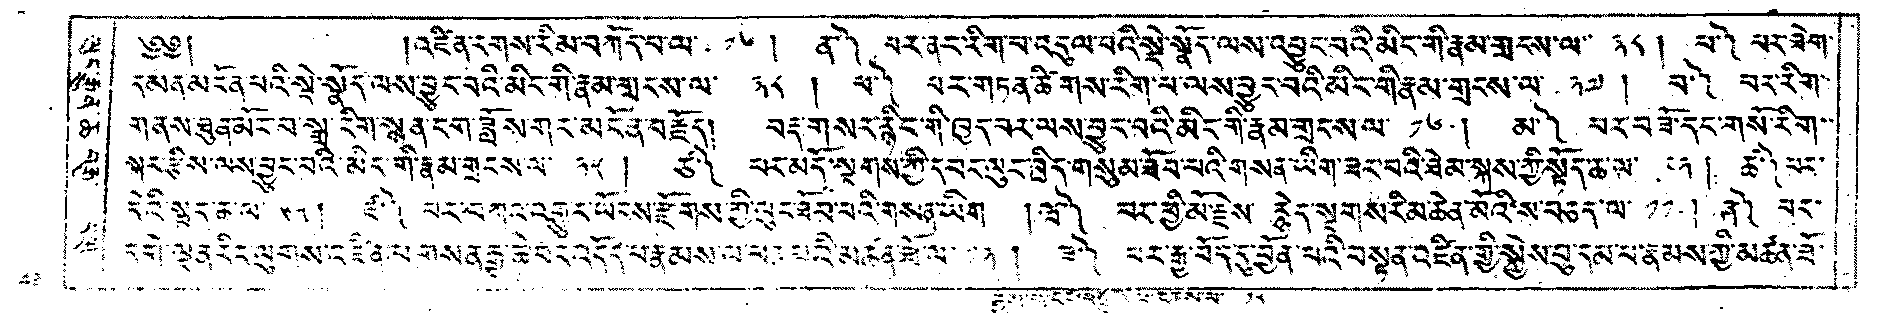༄༅། །འཛིན་རགས་རིམ་བཀོད་པ་ལ ༡༦། ན྄་པར་ནང་རིག་པ་འདུལ་བའི་སྡེ་སྣོད་ལས་འབྱུང་བའི་མིང་གི་རྣམ་གྲངས་ལ ༣༨། པ྄་པར་ཐེག་
དམན་མངོན་པའི་སྡེ་སྣོད་ལས་བྱུང་བའི་མིང་གི་རྣམ་གྲངས་ལ ༣༨། ཕ྄་པར་གཏན་ཚིགས་རིག་པ་ལས་བྱུང་བའི་མིང་གི་རྣམ་གྲངས་ལ ༢༧། བ྄་པར་རིག་
གནས་ཐུན་མོང་བ་སྒྲ་རིག་སྙན་ངག་ཟློས་གར་མངོན་བརྗོད། བརྡ་གསར་རྙིང་གི་ཁྱད་པར་ལས་བྱུང་བའི་མིང་གི་རྣམ་གྲངས་ལ ༡༦། མ྄་པར་བཟོ་དང་གསོ་རིག་
སྐར་རྩིས་ལས་བྱུང་བའི་མིང་གི་རྣམ་གྲངས་ལ ༢༥། ཙ྄་པར་མདོ་སྔགས་ཀྱི་དབང་ལུང་ཁྲིད་གསུམ་ཐོབ་པའི་གསན་ཡིག་ཐར་པའི་ཐེམ་སྐས་ཀྱི་སྟོད་ཆ་ལ ༩༢། ཚ྄་པར་
དེའི་སྨད་ཆ་ལ ༤༥། ཛ྄་པར་བཀའ་འགྱུར་ཡོངས་རྫོགས་ཀྱི་ལུང་ཐོབ་པའི་གསན་ཡིག་རྒྱས་པ་དང་བསྡུས་པ་བཅམ་ལ།ཝ྄་པར་ཕྱི་མོ་རྗེས་རྙེད་སྔགས་རིམ་ཆེན་མོའི་ས་བཅད་ལ ༡༡། ཞ྄་པར་
དགེ་ལྡན་རིང་ལུགས་འཛིན་པ་གསན་རྒྱ་ཆེ་བར་འདོད་པ་རྣམས་ལ་ཕན་པའི་མཚན་ཐོ་ལ ༡༢། ཟ྄་པར་རྒྱ་བོད་དུ་བྱོན་པའི་བསྟན་འཛིན་གྱི་སྐྱེས་བུ་དམ་པ་རྣམས་ཀྱི་མཚན་ཐོ་